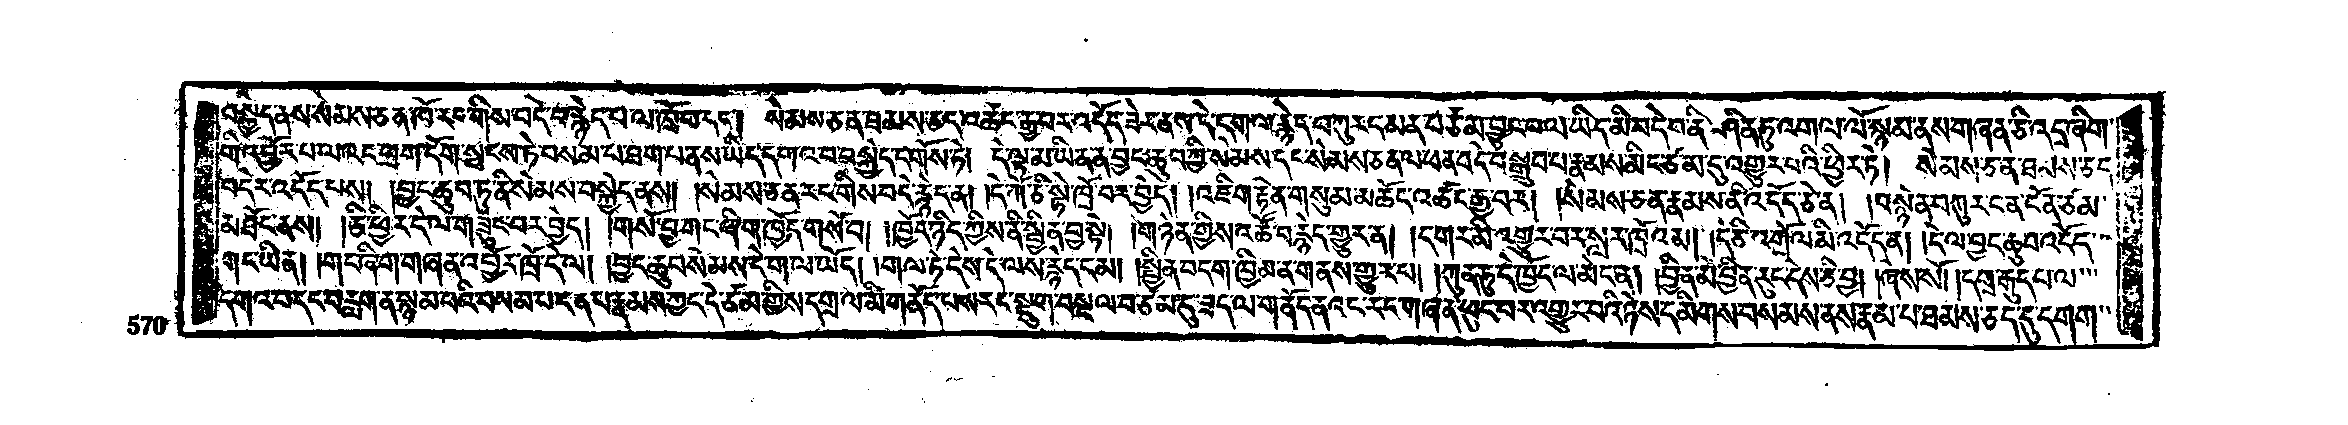བསྐྱེད་ནས་སེམས་ཅན་ཁོ་རང་གིས་བདེ་བ་རྙེད་པ་ལ་ཁྲོ་བ་དང་། སེམས་ཅན་ཐམས་ཅད་འཚང་རྒྱ་བར་འདོད་ཟེར་ནས་དེ་དག་ལ་རྙེད་བཀུར་དམན་པ་ཙམ་བྱུང་བ་ལ་ཡིད་མི་བདེ་བ་ནི་ཤིན་ཏུ་འགལ་ལོ་སྙམ་ནས་གཞན་ཅི་འདྲ་ཞིག་
གི་འབྱོར་པ་ལའང་ཕྲག་དོག་སྤངས་ཏེ་བསམ་པ་ཐག་པ་ནས་ཡིད་དགའ་བ་བསྐྱེད་དགོས་ཏེ། དེ་ལྟ་མ་ཡིན་ན་བྱང་ཆུབ་ཀྱི་སེམས་དང་སེམས་ཅན་ལ་ཕན་བདེ་བསྒྲུབ་པ་རྣམས་མིང་ཙམ་དུ་འགྱུར་བའི་ཕྱིར་ཏེ། སེམས་ཅན་ཐམས་ཅད་
བདེར་འདོད་པས། །བྱང་ཆུབ་ཏུ་ནི་སེམས་བསྐྱེད་ནས། །སེམས་ཅན་རང་གིས་བདེ་རྙེད་ན། །དེ་ཀོ་ཅི་སྟེ་ཁྲོ་བར་བྱེད། །འཇིག་རྟེན་གསུམ་མཆོད་འཚང་རྒྱ་བར། །སེམས་ཅན་རྣམས་ནི་འདོད་ཅེ་ན། །བསྙེན་བཀུར་ངན་དོན་ཙམ་
མཐོང་ནས། །ཅི་ཕྱིར་དེ་ལ་གདུང་བར་བྱེད། །གསོ་བྱ་གང་ཞིག་ཁྱོད་གསོ་བ། །ཁྱོད་ཉིད་ཀྱིས་ནི་སྦྱིན་བྱ་སྟེ། །གཉེན་གྱིས་འཚོ་བ་རྙེད་གྱུར་ན། །དགར་མི་འགྱུར་བར་སླར་ཁྲོ་འམ། །དེ་ཅི་འགྲོ་ལ་མི་འདོད་ན། །དེ་ལ་བྱང་ཆུབ་འདོད་
གང་ཡིན། །གང་ཞིག་གཞན་འབྱོར་ཁྲོ་དེ་ལ། །བྱང་ཆུབ་སེམས་དེ་ག་ལ་ཡོད། །གལ་ཏེ་དེས་དེ་ལས་རྙེད་དམ། །སྦྱིན་བདག་ཁྱིམ་ན་གནས་གྱུར་པ། །ཀུན་ཏུ་དེ་ཁྱོད་ལ་མེད་ན། །བྱིན་མ་བྱིན་རུང་དེས་ཅི་བྱ། །ཞེས་སོ། །དགྲ་རྒུད་པ་ལ་
དགའ་བ་དང་བརླག་ན་སྙམ་པའི་བསམ་པ་ངན་པ་རྣམས་ཀྱང་དེ་ཙམ་གྱིས་དགྲ་ལ་མི་གནོད་པས་རང་སྡུག་བསྔལ་བ་ཙམ་དུ་ཟད་ལ་གནོད་ནའང་རང་གཞན་ཕུང་བར་འགྱུར་བའི་ཉེས་དམིགས་བསམས་ནས་རྣམ་པ་ཐམས་ཅད་དུ་དགག་